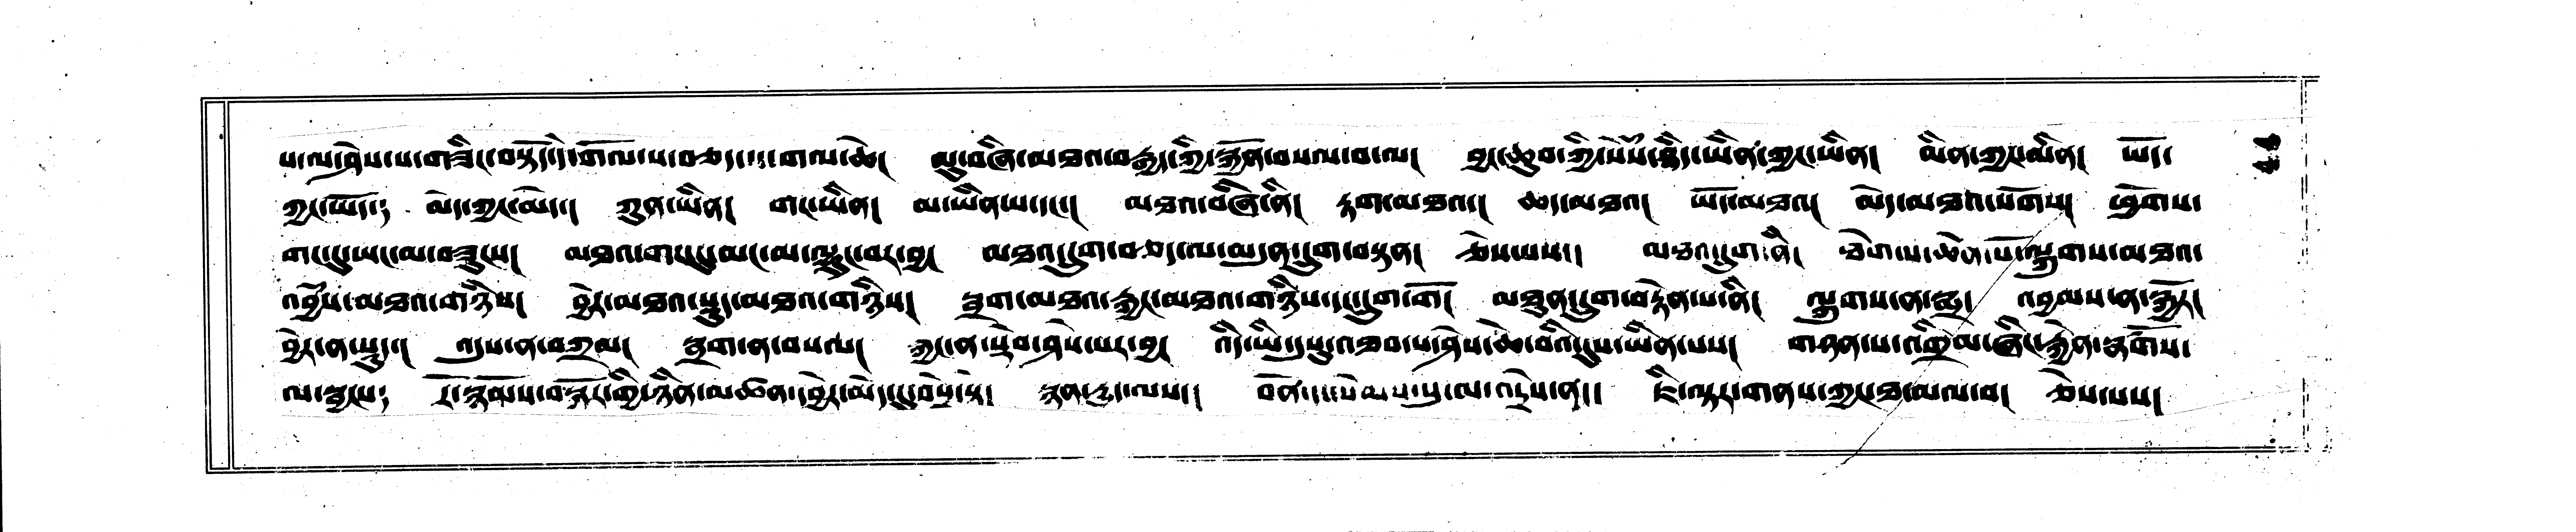པ་ལ་ཤེས་པ་གཟེངས་བསྟོད་དེ་གོལ་ས་བཅད་པ་གལ་ཆེ། མུ་བཞི་མཐའ་བརྒྱད་ཀྱི་སྐྱོན་བསལ་བ་ལ། བྱང་ཆུབ་ཀྱི་སེམས་ཉིད་ཡིན་ཀྱང་ཡིན། མིན་ཀྱང་མིན། ཡོད་
ཀྱང་ཡོད། མེད་ཀྱང་མེད། ཀུན་ཡིན་གང་ཡིན། མ་ཡིན་པ་དང་། མཐའ་བཞི་ནི། རྟག་མཐའ། ཆད་མཐའ། ཡོིད་མཐའ་མེད་མཐའ་སོགས། ཕྱོགས་
གང་དུ་ཡང་མ་བཟུང་། མཐའ་གང་དུ་ཡང་མ་ལྷུང་བར་བྱ། མཐའ་དྲུག་བཅད་ལ་མདུན་དྲུག་བསྟན། ཅེས་པས། མཐའ་དྲུག་ནི། ཐེག་པ་ཆེན་པོ་ལྐུགས་མཐའ་
འབྱམས་མཐའ་གཉིས། བྱེར་མཐའ་སྡུད་མཐའ་གཉིས། སྦྲག་མཐའ་རྐྱང་མཐའ་གཉིས་དང་དྲུག་གོ །མཐུན་དྲུག་བསྟེན་པ་ནི། ལྐུགས་ན་སྨྲ། འབྱམས་ན་སྐྱོར། 
བྱེར་ན་སྡུད། འདུས་ན་བཀྲམ། སྦྲག་ན་བསལ། རྐྱང་ན་སྡེབ་ཤེས་པར་བྱ། འདི་ཡི་དུས་སུ་འཐབ་པ་ཤས་ཆེ་བའི་དུས་ཡིན་པས། གཉན་པ་འདྲིལ་ཞིང་རྐྱེན་སྣ་ཚོགས་
ལ་སྦྱངས། རོ་སྙོམས་སྐོར་གྱི་ཉིན་མཚན་དབྱེར་མེད་བསྲེ་སྟེ། སྙན་རྒྱུད་ལས། བོན་དང་སེམས་སུ་མ་འདྲེས་ན། ཇི་ལྟར་གནས་ཀྱང་ཐ་མལ་བ། ཅེས་པས།